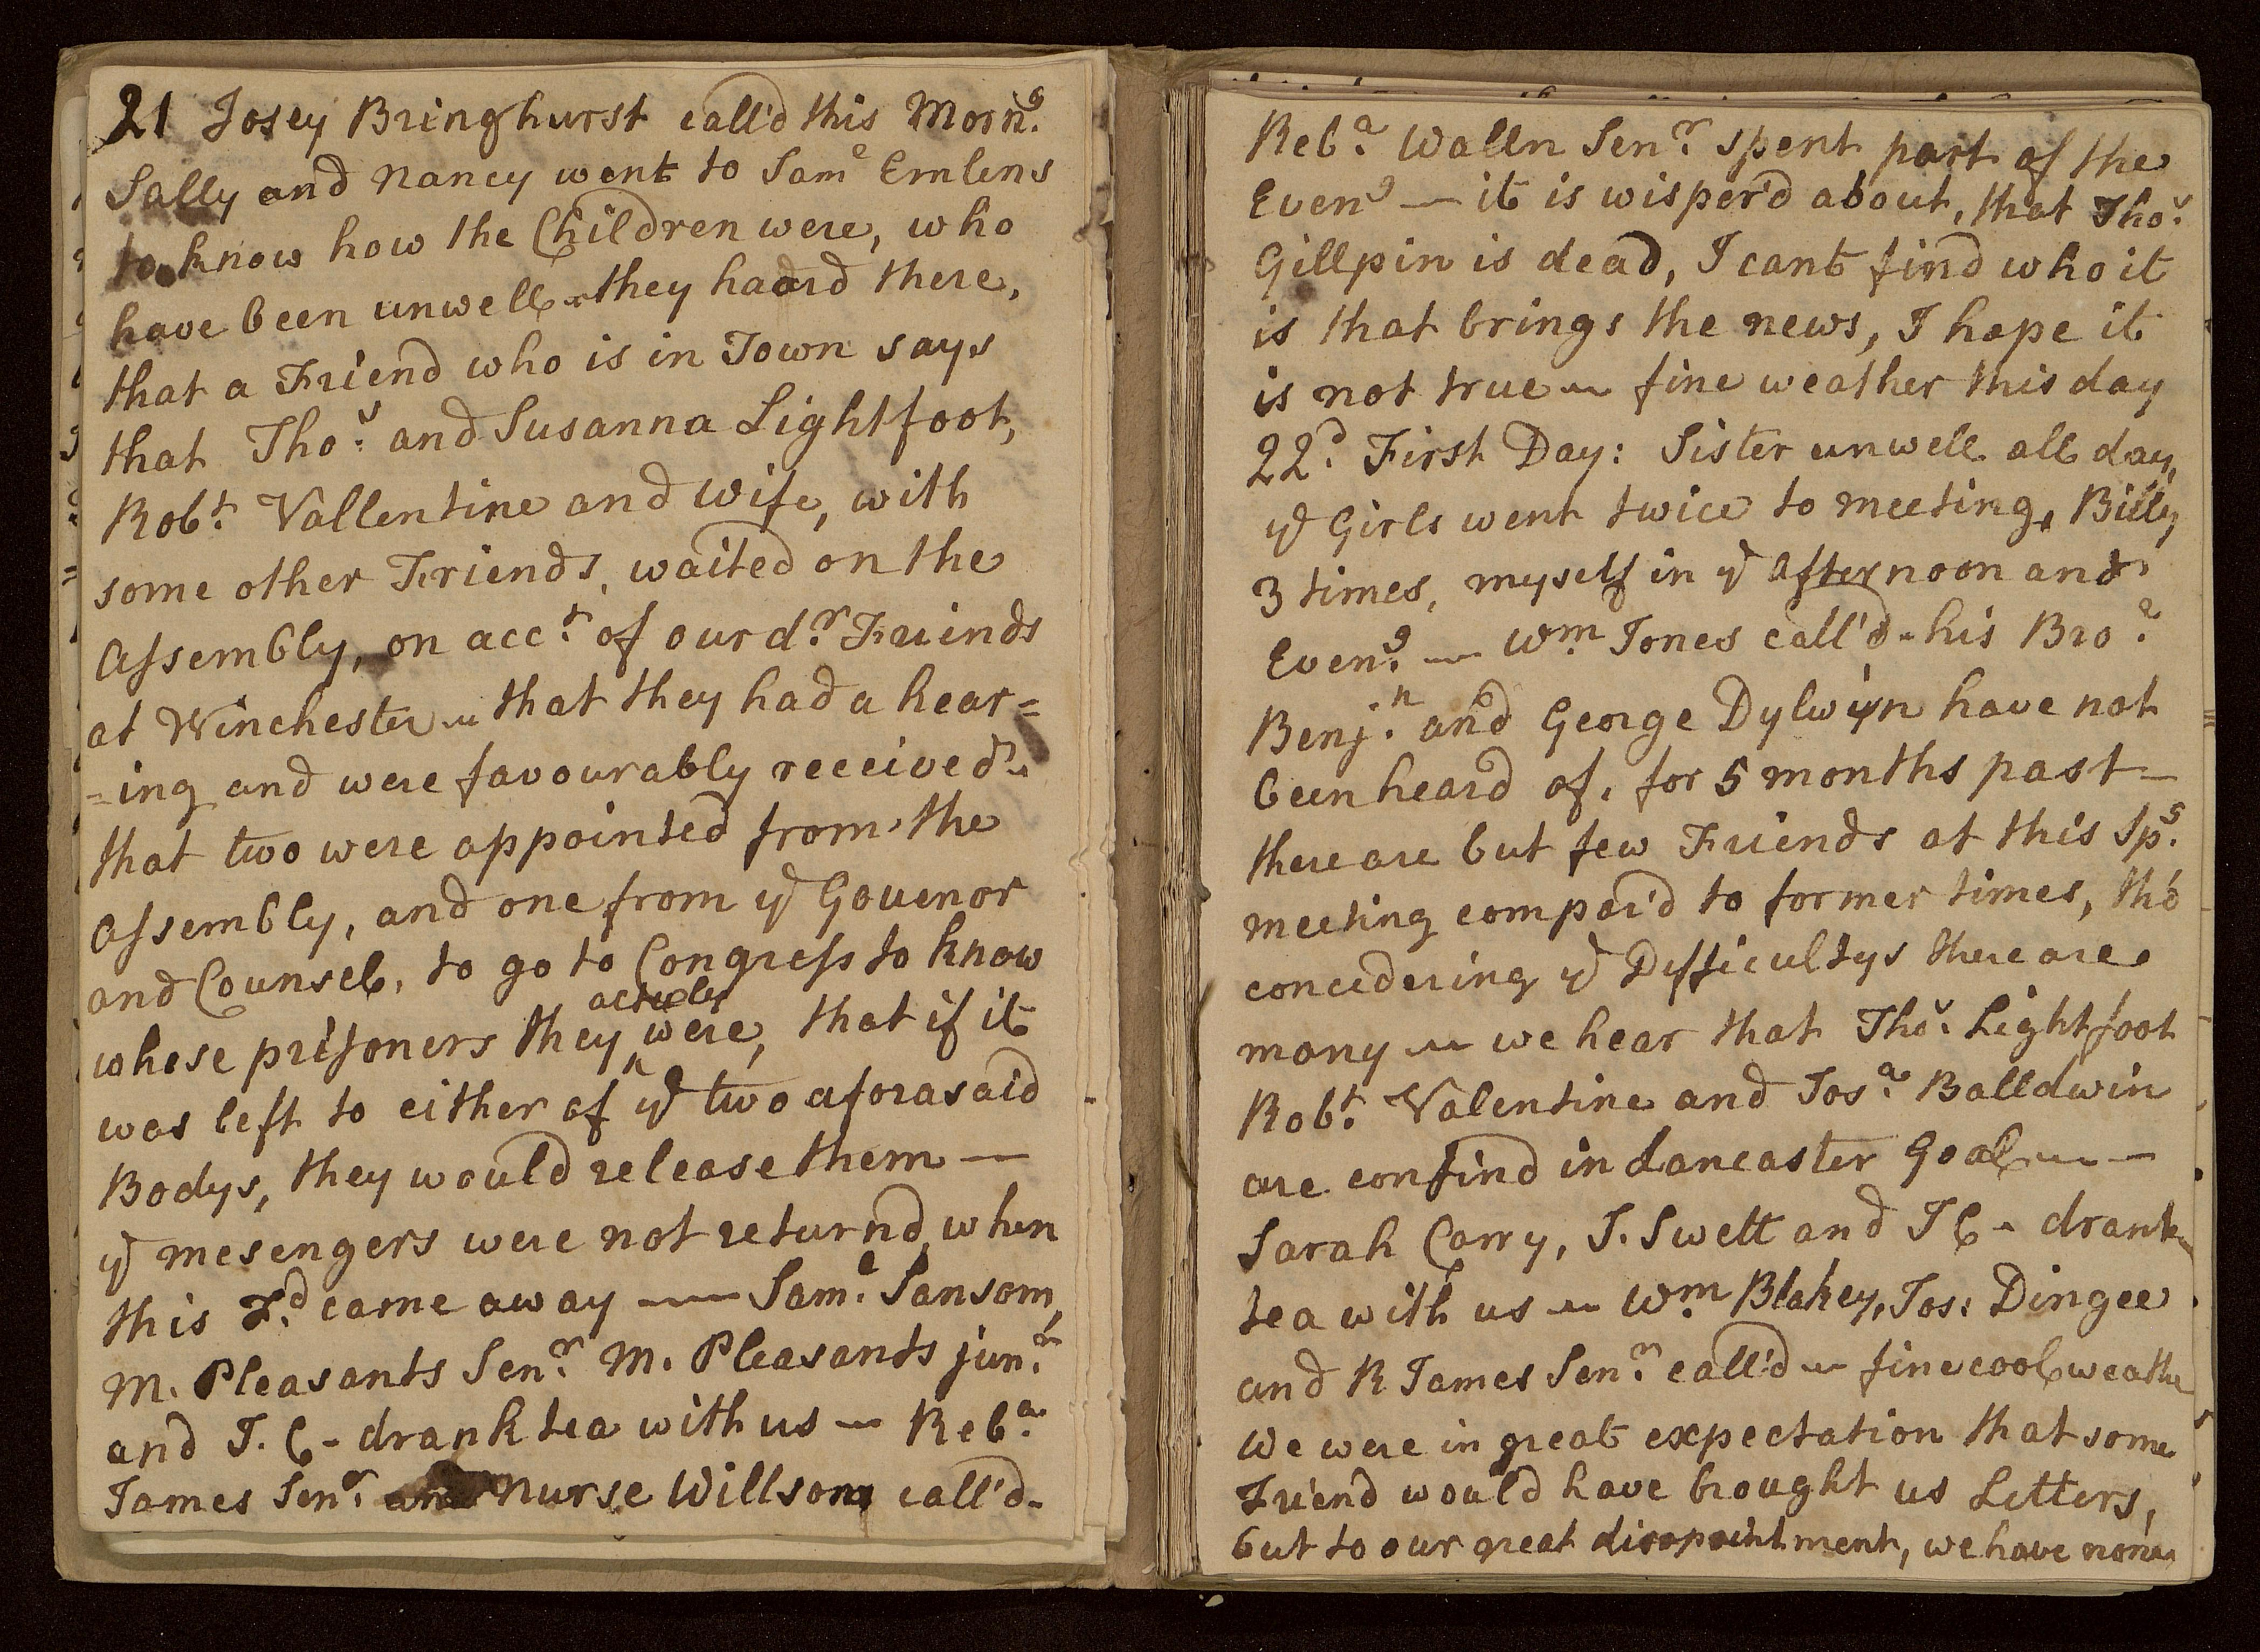21 Josey Bringhurst call'd this Morn^g.
Sally and Nancy went to Sam^l. Emlens
to know how the Children were, who
have been unwell- they haard there,
that a Friend who is in Town says
that Tho^s. and Susanna Lightfoot
Rob^t. Vallentine and Wife, with
some other Friends, waited on the
Assembly, on acc^t. of our d^r. Friends
at Winchester- that they had a hear-
-ing and were favourably received-
that two were appointed from the
Assembly, and one from y^e Govenor
and Counsel, to go to Congress to know
actuly
whose prisoners they ^ were, that if it
was left to either of y^e two aforasaid
Bodys, they would release them-
y^e mesengers were not returnd when
this F^d. came away- Sam^l. Sansom,
M. Pleasants Sen^r. M. Pleasands jun^r.
and J. C- drank tea with us- Reb^a.
James Sen^r. [___] nurse Willsons call'd-
Reb^a. Walln Sen^r. spent part of the
Even^g- it is wisper'd about, that Tho^s.
Gillpin is dead, I cant find who it
is that brings the news, I hope it
is not true- fine weather this day
22^d. First Day: Sister unwell all day,
y^e Girls went twice to meeting, Billy
3 times, myself in y^e afternoon and
Even^g.- W^m. Jones call'd- his Bro^r.
Benj^n. and George Dylwyn have not
been heard of, for 5 months past-
there are but few Friends at this Sp^s.
meeting compar'd to former times, tho'
concedering y^e Difficultys there are
many- we hear that Tho^s. Lightfoot
Rob^t. Valentine and Jos^a. Balldwin
are confind in Lancaster Goal-
Sarah Carry, S. Swett and JC- drank
tea with us - W^m. Blakey, Jos. Dingee
and R James Sen^r. call'd- fine cool weathe
We were in great expectation that some
Friend would have brought us Letters,
but to our great disapaintment, we have none